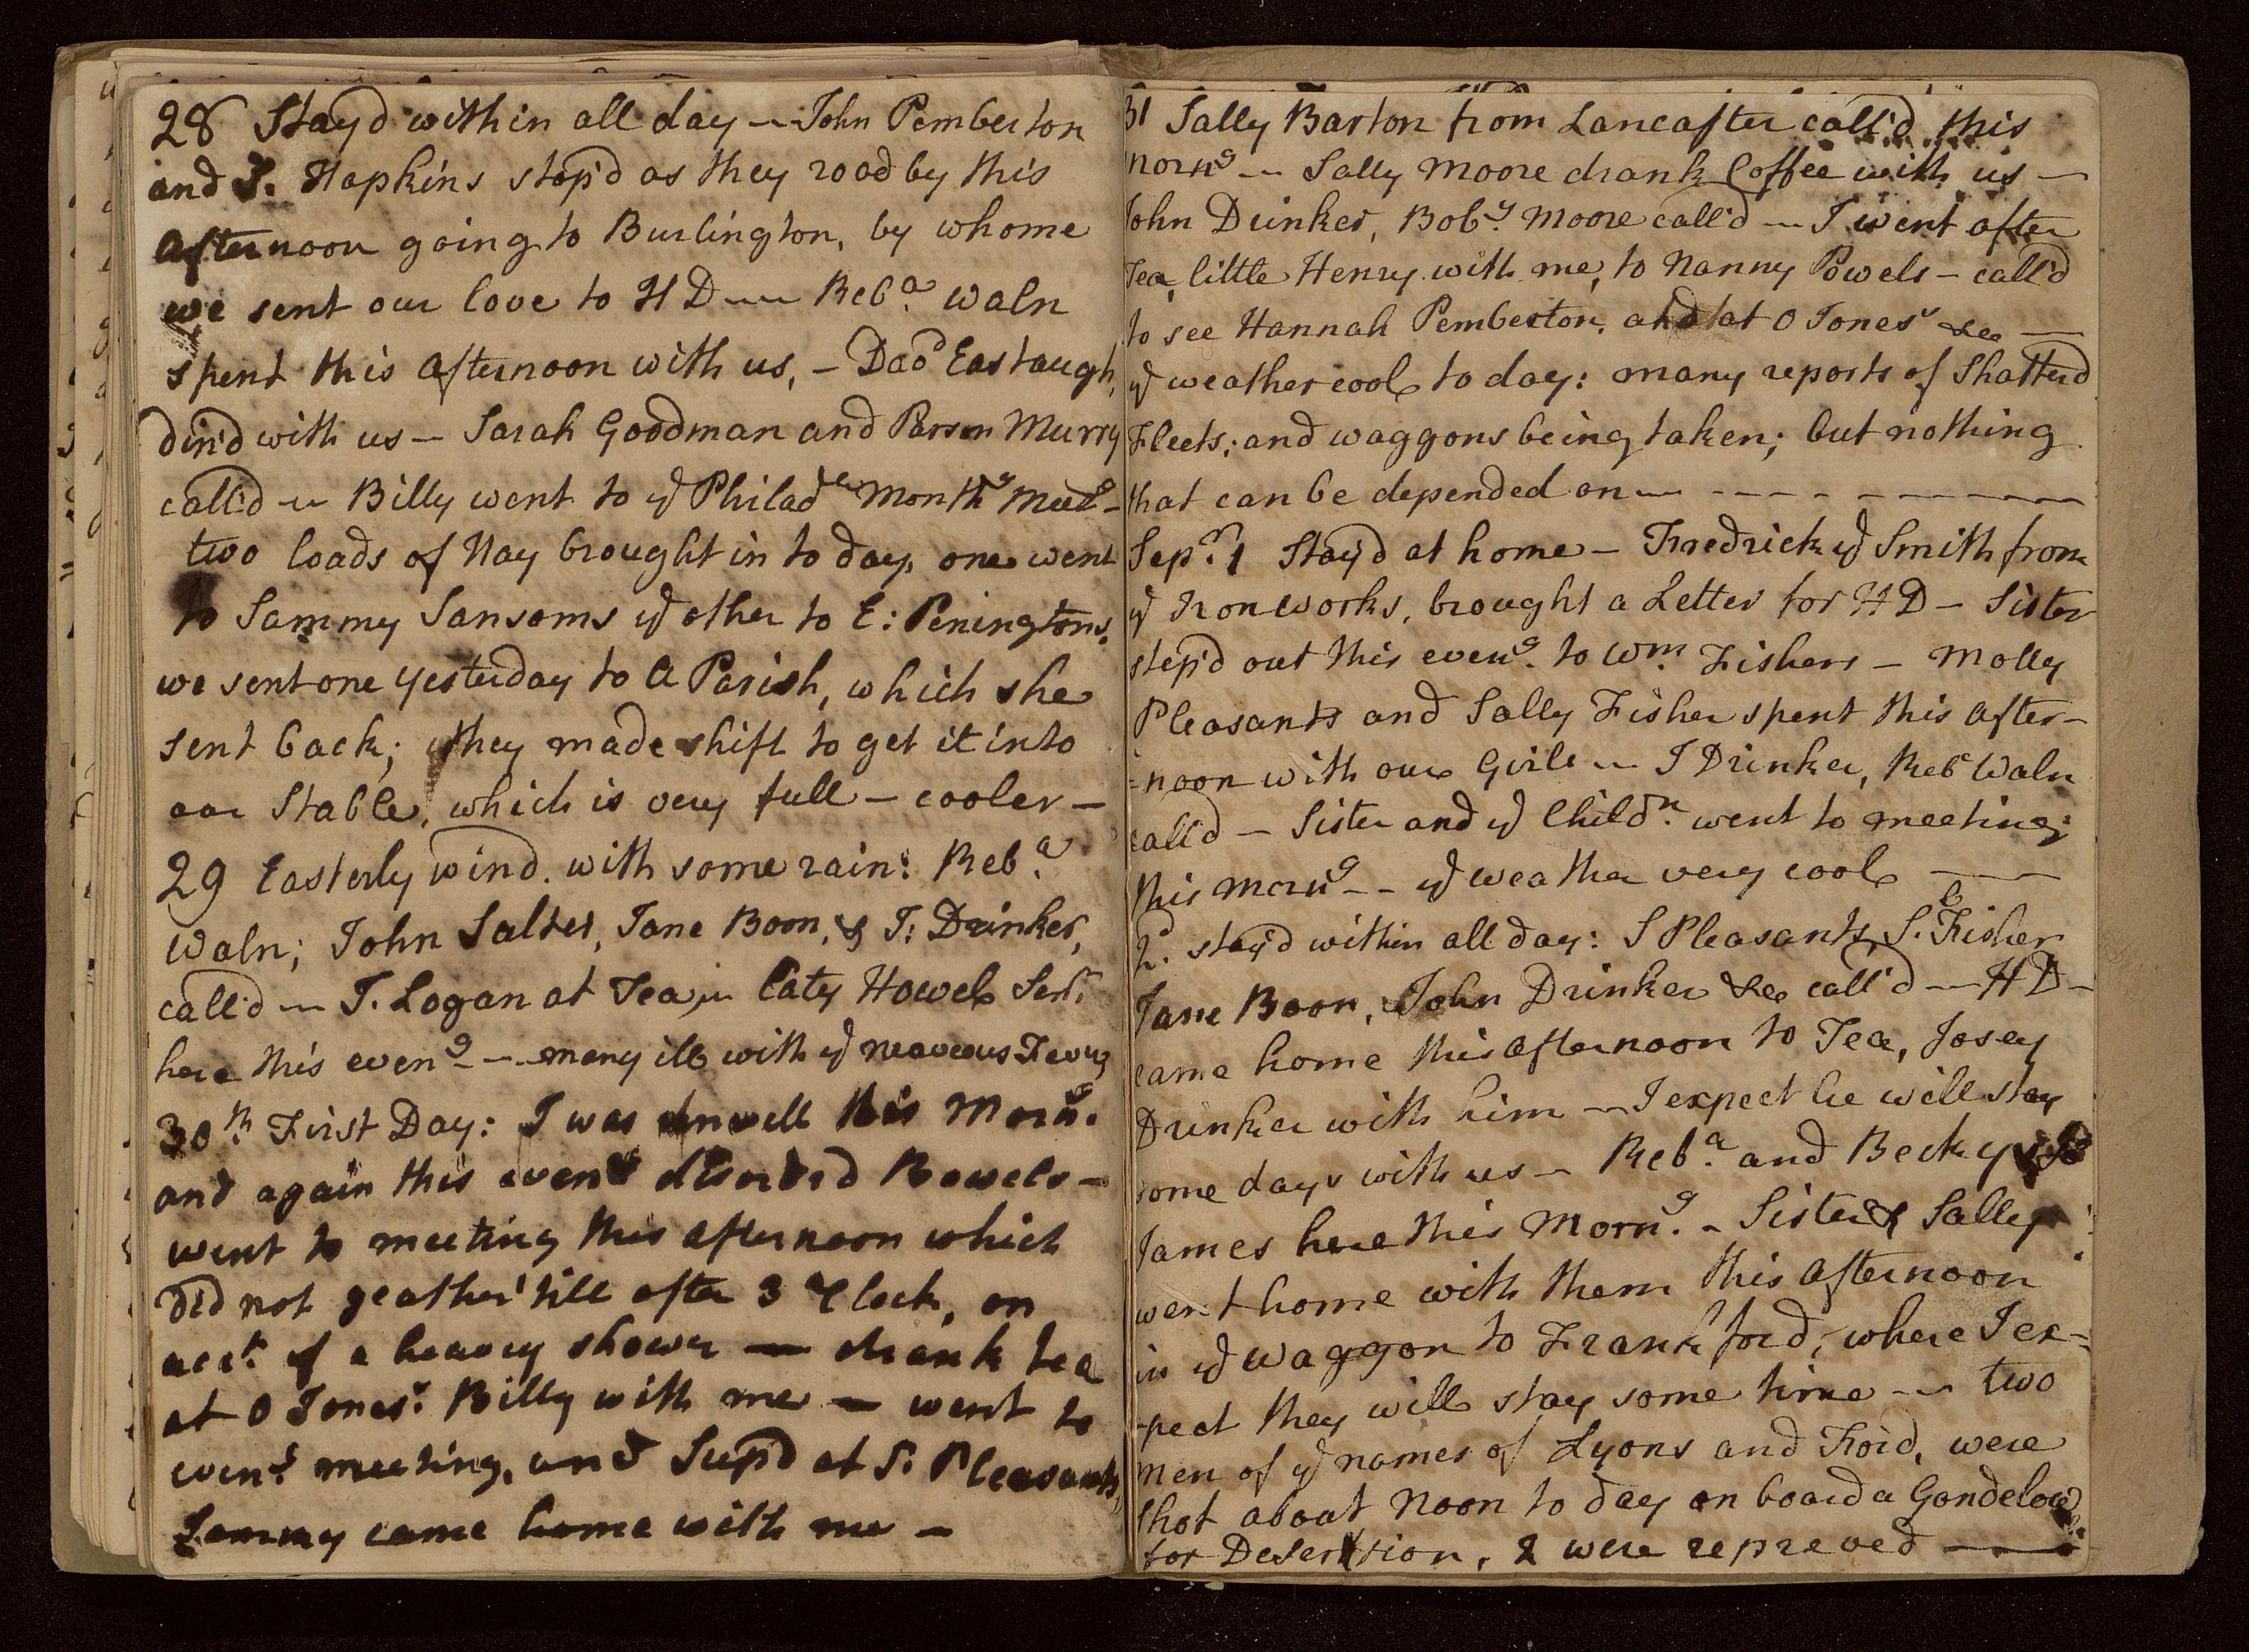28 Stayd within all day- John Pemberton
and J. Hopkins stop'd as they road by this
Afternoon going to Burlington, by whome
we sent our love to HD-- Reb^a. Waln
spent this afternoon with us,- Da[o]^d Eastaugh,
din'd with us- Sarah Goodman and Parson Murry
called- Billy went to y^e Philad^a month^y meet^g
two loads of Hay brought in to day, one went
to Sammy Sansoms y^e other to E: Peningtoms.
wo sent one yesterday to A Parish, which she
sent back; they made shift to get it into
our Stable, which is very full- cooler-
29 Easterly wind with some rain: Reb^a.
Waln; John Salter, Jane Boon, & T: Drinker,
call'd- T Logan at Tea- Caty Howel Sen^r
here this even^g--- many ill with y^e nerveous Fever,
30.^th First Day: I was unwell this Morn.^g
and again this even^g disordrd Bowels-
went to meeting this afternoon which
did not geather till after 3 ^o Clock, on
acc^t of a heavey shower- drank tea
at O Jones^s Billy with me- went to
even^g meeting, and sup'd at S. Pleasants
Sammy came home with me-
31 Sally Barton from Lancaster call'd this
morn^g- Sally Moore drank Coffee with us-
John Drinker, Bob.^y Moore call'd- I went after
Tea, little Henry with me, to Nancy Powels- call'd
to see Hannah Pemberton, and at O Jones^s &c -
y^e weather cool to day: many reports of shatterd
fleets; and waggons being taken; but nothing
that can be depended on--
Sep^r 1 Stay'd at home- Fredrick y^e Smith from
y^e Ironworks, brought a Letter for HD- Sister
step'd out this even^g. to W^m. Fishers- Molly
Pleasants and Sally Fisher spent this after-
-noon with our Girls- J Drinker, Reb^a Waln
call'd- Sister and y^e Child^n. went to meeting
this morn^g-- y^e weather very cool.-
2^d stay'd within all day: S Pleasants, S. ^l Fisher
Jane Boon, John Drinker &c call'd- HD
came home this afternoon to Tea, Josey
Drinker with him- I expect he will stay
some days with us- Reb^a. and Becky J
James here this morn^g.- Sister & Sally
went home with them this Afternoon
in y^e waggon to Frank ford, where I ex-
pect they will stay some time-- two
nen of y^e names of Lyons and Ford, were
shot about noon to day on board a Gondelow,
for Desertsion, 2 were repreved